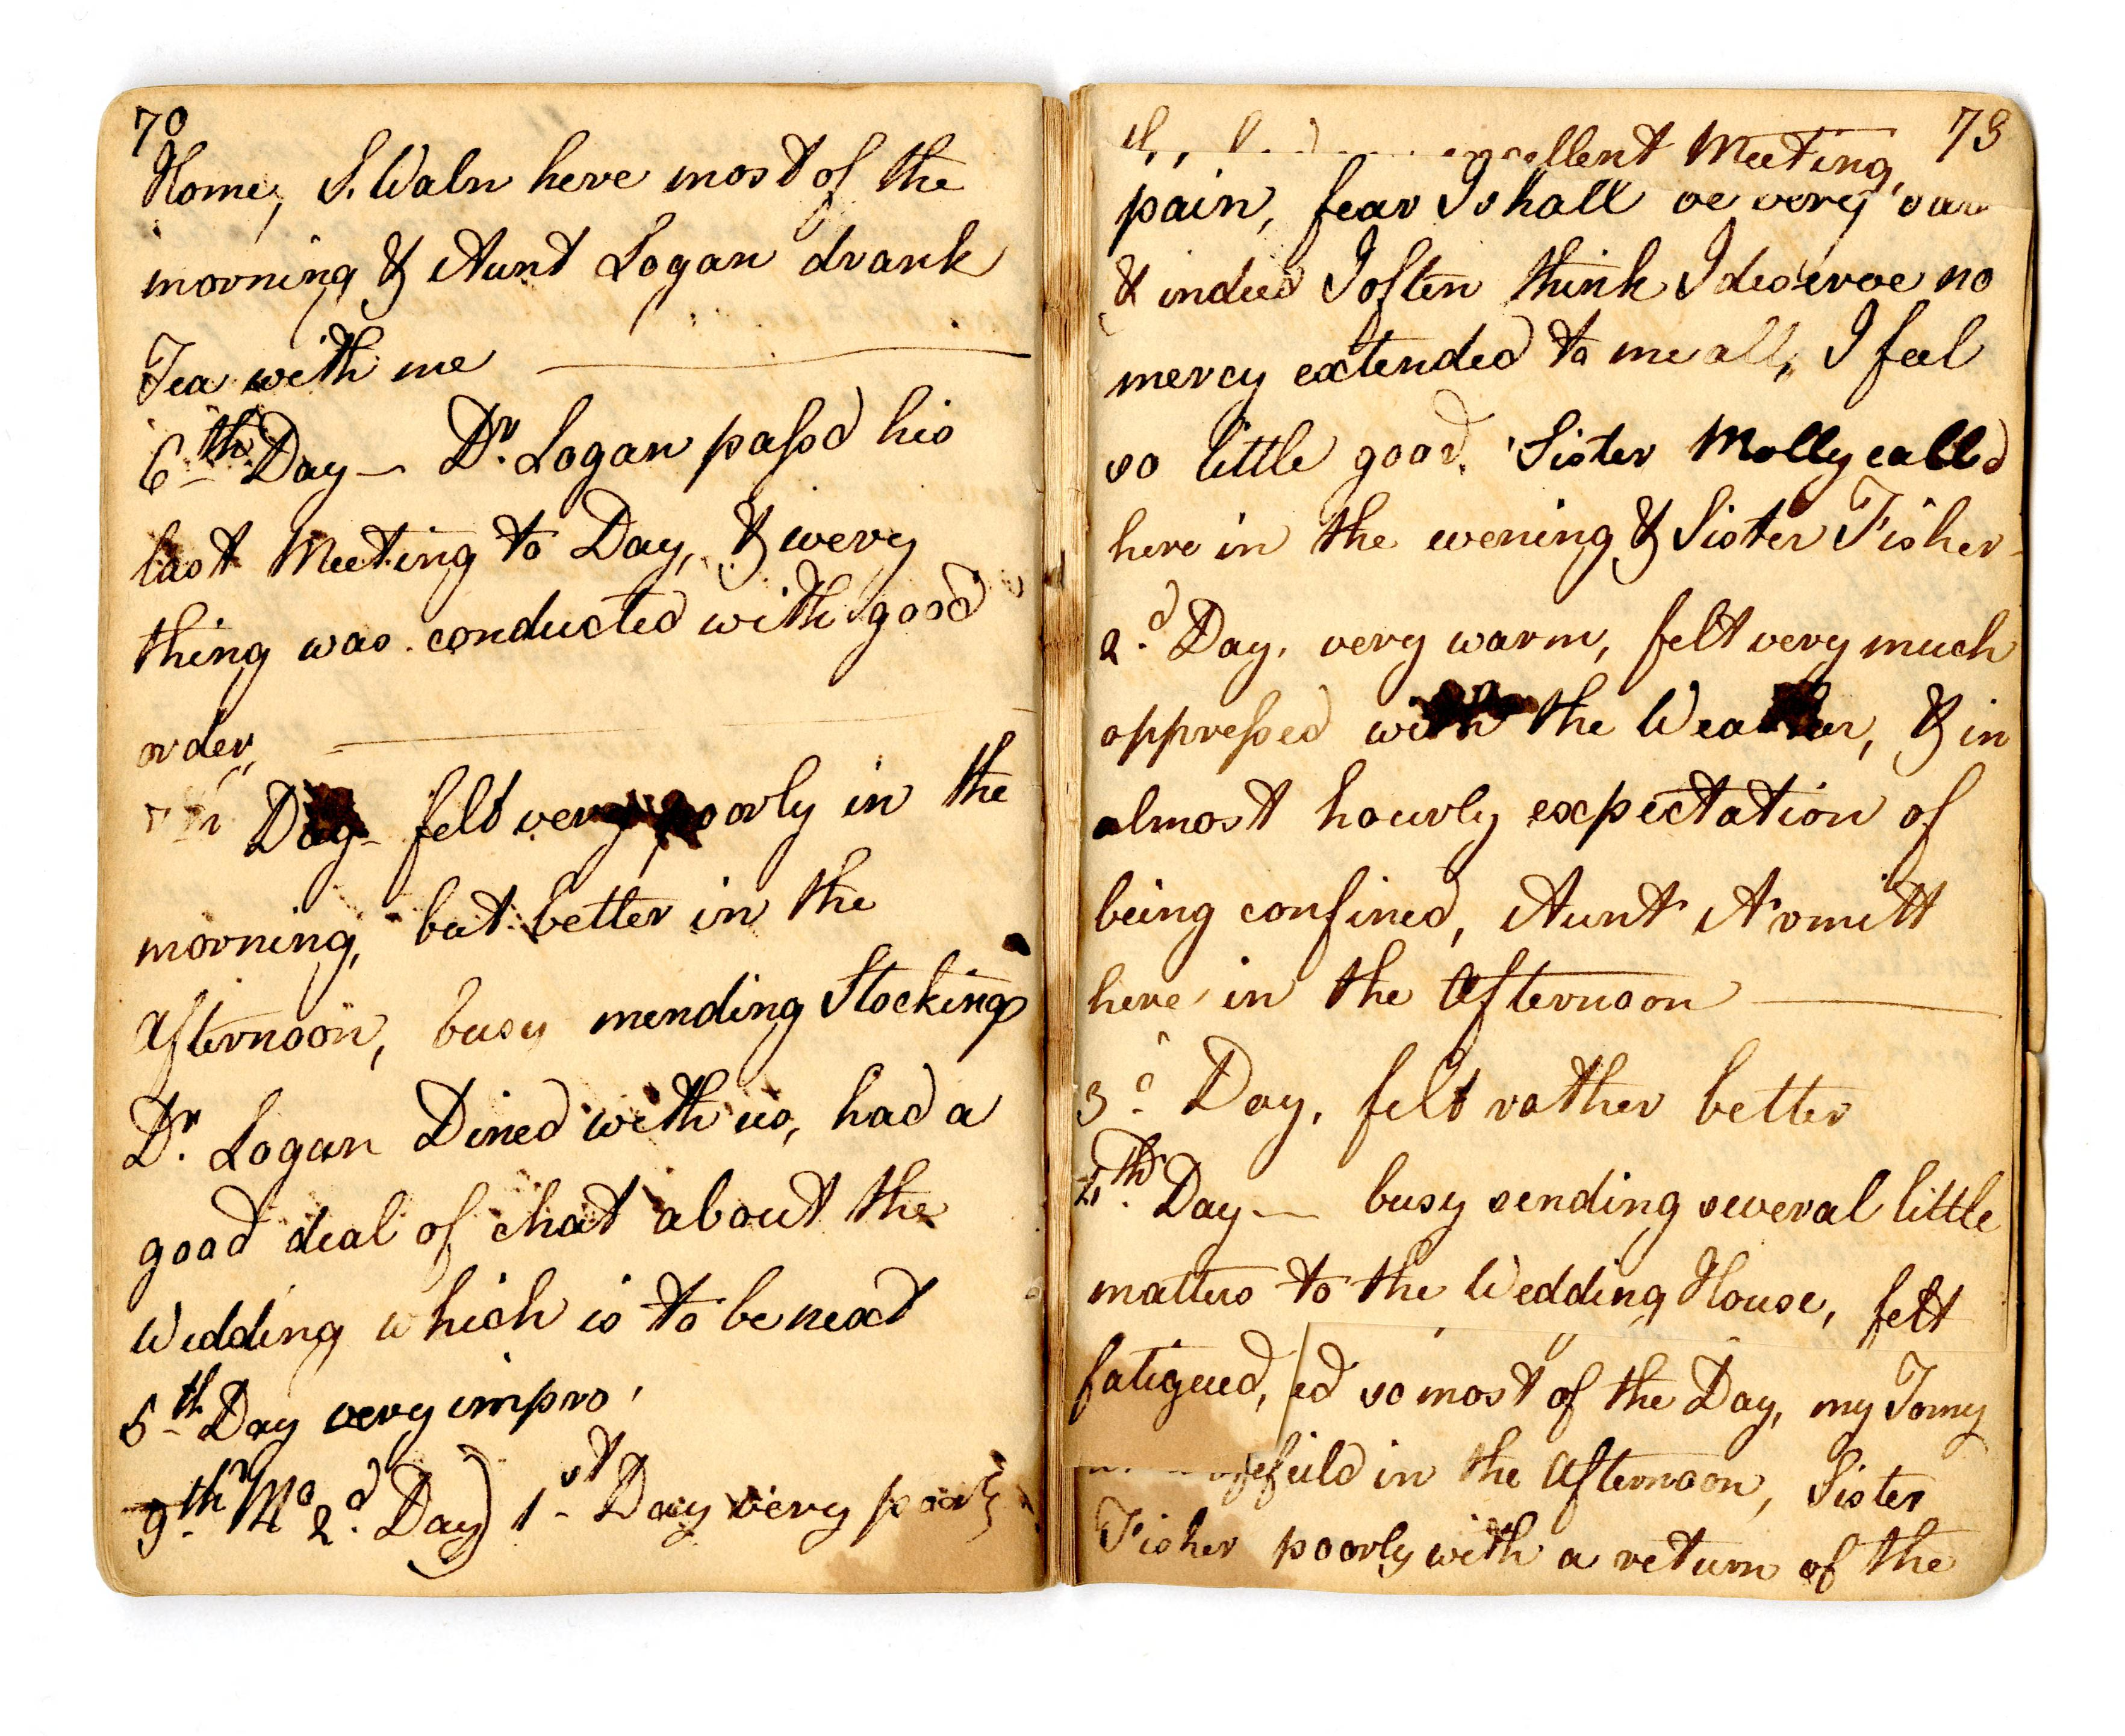Home, S. Waln here most of the
morning & Aunt Logan drank
Tea with me
6^th Day- D^r. Logan passd his
last Meeting to Day, & every
thing was conducted with good
order,
7^th Day- felt very poorly in the
morning, but better in the
Afternoon, busy mending Stockings
D^r. Logan dined with us, had a
good deal of chat about the
Wedding which is to be next
5^th Day very impro
9^th M^o 2^d. Day) 1^st Day very poor
pain, fear I shall be very [___]
& indeed I often think I deserve no
mercy extended to me all I feel
so little good, Sister Molly called
here in the evening & Sister Fisher
2^d. Day, very warm, felt very much
oppressed with the Weather, & in
almost hourly expectation of
being confined, Aunt Armitt
here in the Afternoon
3^d. Day, felt rather better
4^th Day- busy sending several little
matters to the Wedding House, felt
fatigued,